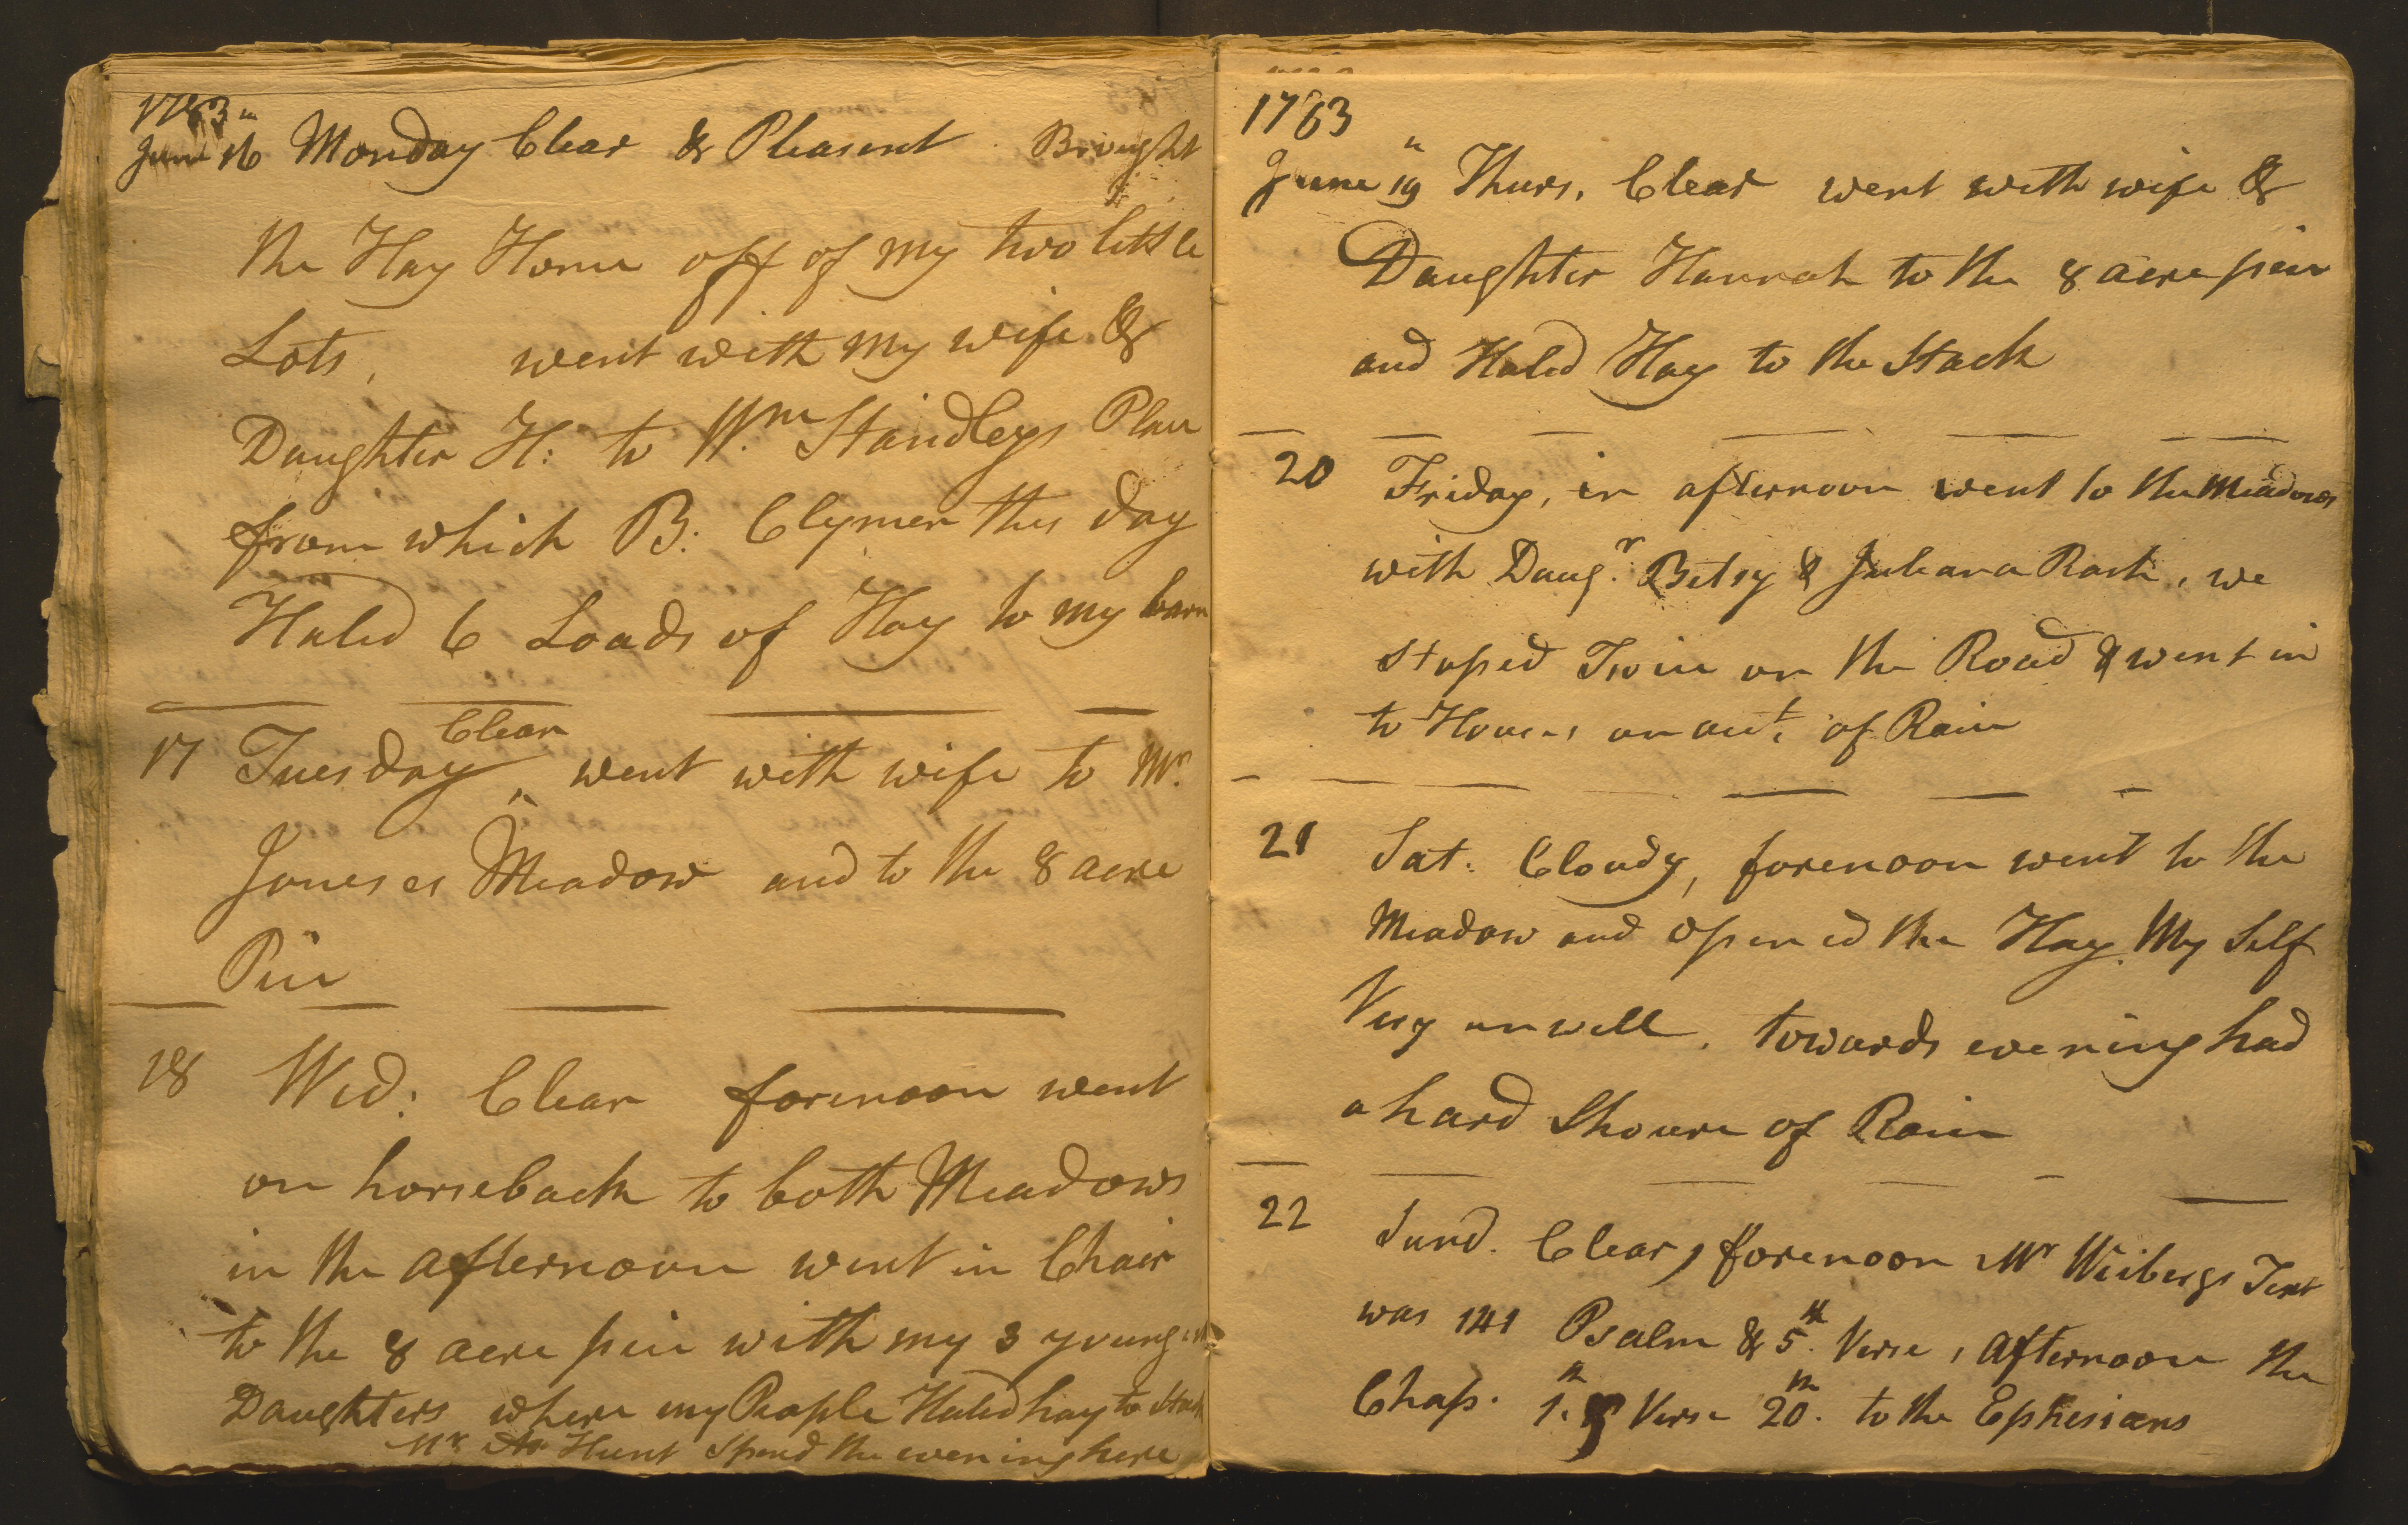1783
June 16^th Monday Clear & Pleasent. Brought
the Hay Home off of my two little
Lots, went with my wife &
Daughter H: to W^m. Standleys Place
from which B. Clymer this day
Haled 6 Loads of Hay to my barn
Clear
17 Tuesday ^ went with wife to M^r.
Joneses Meadow and to the 8 acre
Pice
18 Wed. Clear forenoon went
on horseback to both Meadows
in the afternoon went in Chair
to the 8 acre pice with my 3 youngest
Daughters where my Peaple Haled hay to stable
M^r. A Hunt spend the evening here
1783
June 19^th Thurs. Clear went with wife &
Daughter Hannah to the 8 acre pice
and Haled Hay to the Stack
20 Friday, in afternoon went to the Meadows
with Daug^r. Betsy & Juliana Rash, we
stoped Twice on the Road & went in
to House, on acc^t. of Rain
21 Sat. Cloudy, forenoon went to the
Meadow and opened the Hay. My self
Vesy unwell, towards evening had
a hard Shoure of Rarn
22 Sund. Clear, forenoon M^r. Weibergs Text
was 141 Psalm & 5^th. Verse, Afternoon the
Chap. 1^th. Verse 20^th. to the Ephesians